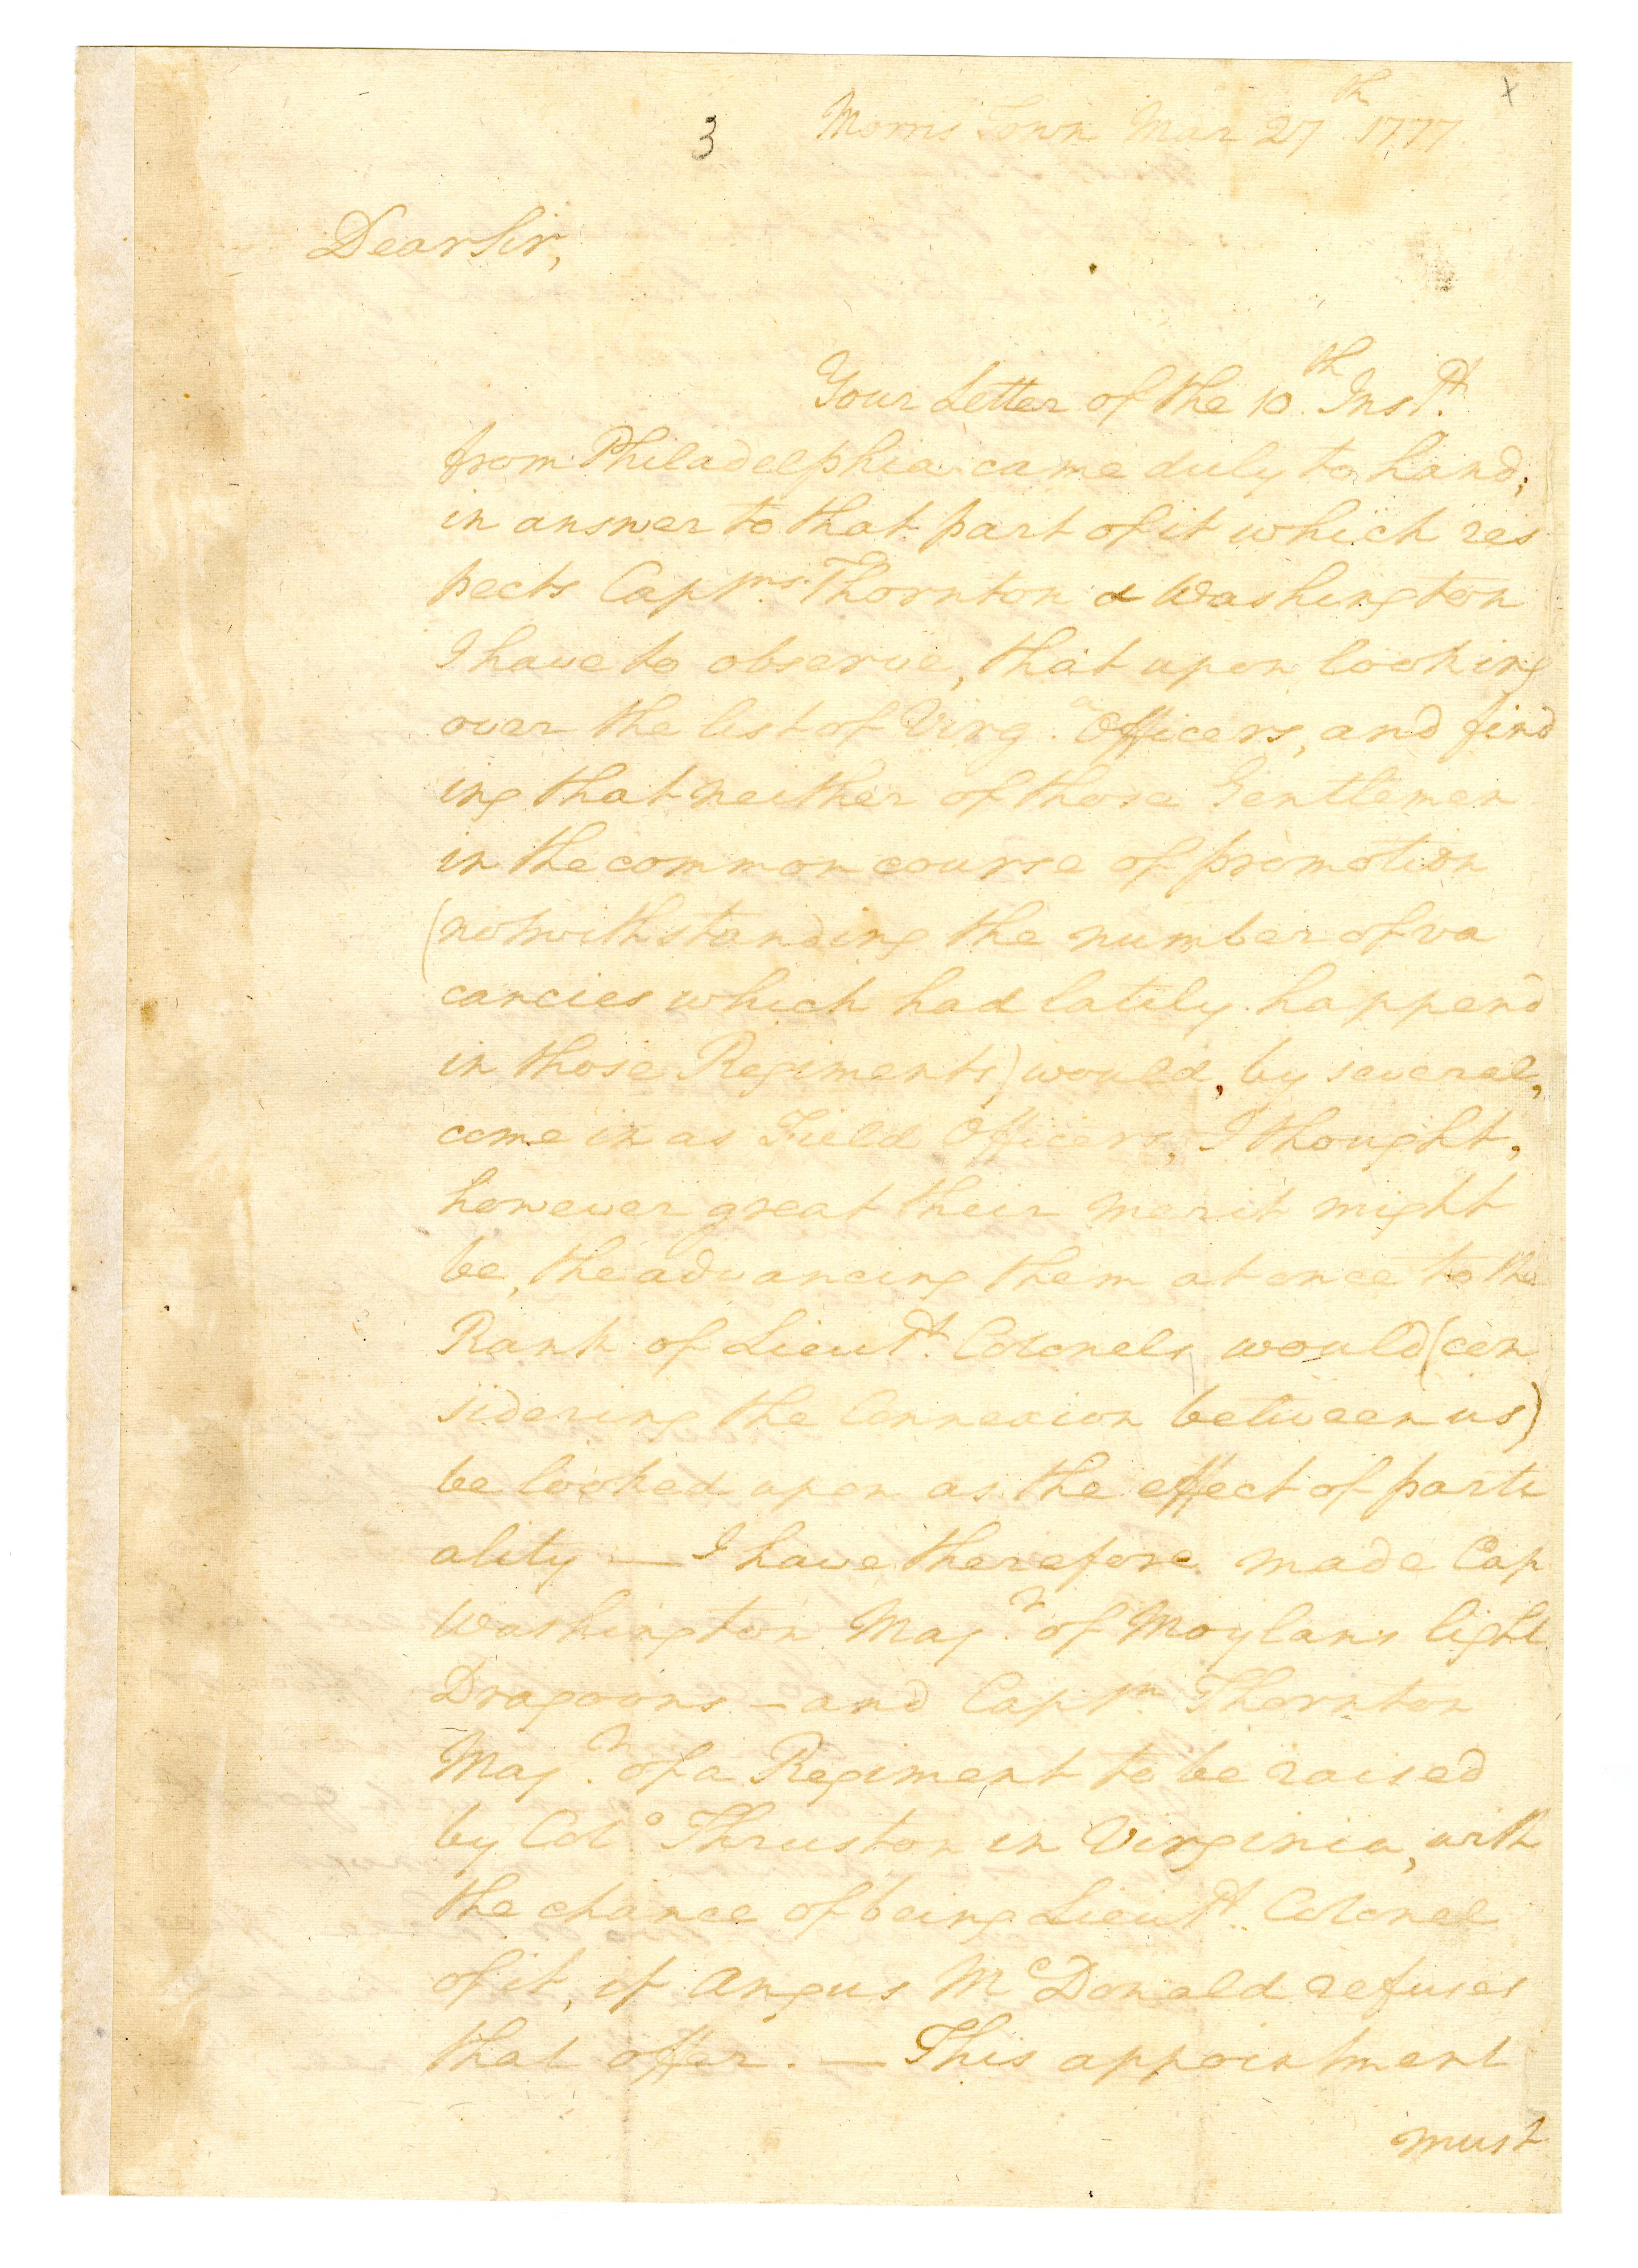Morris Town Mar 27^th 1777
Dear Sir,
Your Letter of the 10^th Inst^t.
from Philadelphia came duly to hand;
in answer to that part of it which res
pects Capt^ns Thornton & Washington
I have to observe, that upon looking
over the list of Virg. Officers, and find
ing that neither of these Gentlemen
in the common course of promotion
(notwithstanding the number of va
cancies which had lately happend
in those Regiments) would, by several,
come in as Field Officers, I thought,
however great their merit might
be, the advancing them at once to the
Rank of Lieut^t. Colonels would (con
sidering the Connexion between us)
be looked upon as the effect of parti
ality- I have therefore made Cap
Washington Maj^r. of Moylans light
Dragoons- and Capt^n. Thornton
Maj^r. of a Regiment to be raised
by Col^o. Thruston in Virginia, with
the chance of being Lieut^t. Colonel
of it, if Angus M^cDonald refuses
that offer.- This appointment
must